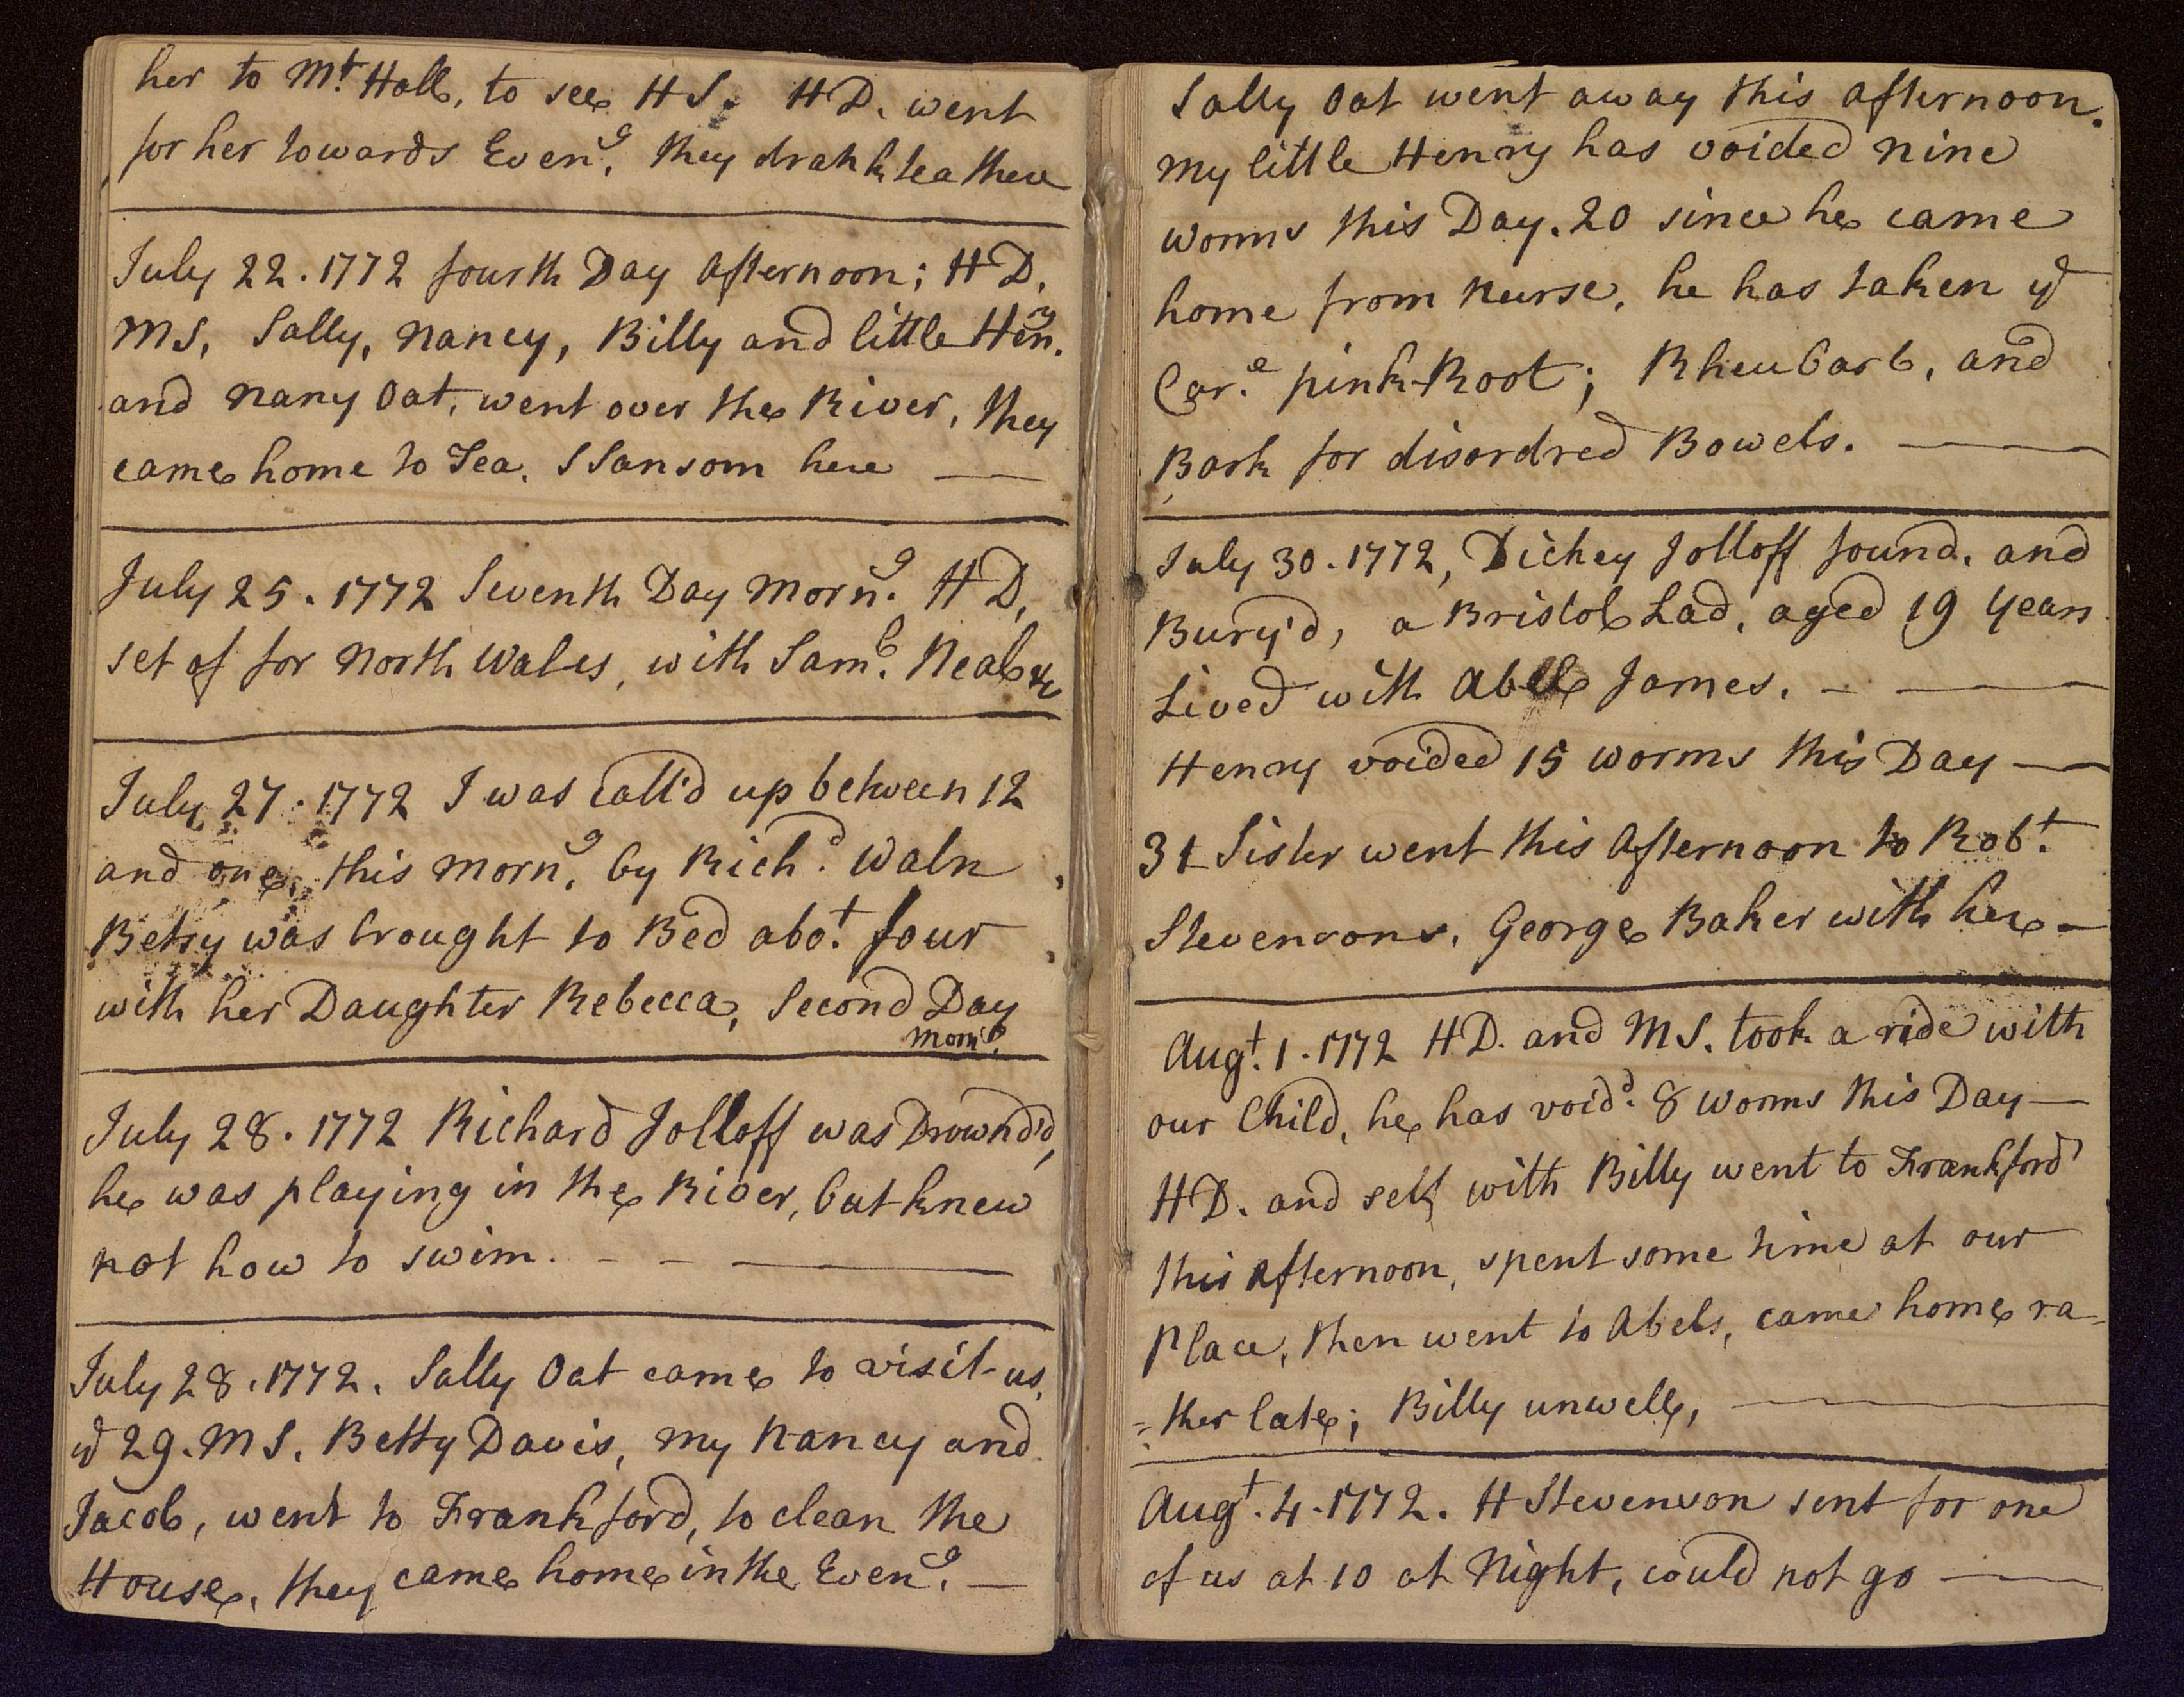her to M^t. Hall, to see HS. HD. went
for her towards Even^g, they drank tea there
July 22. 1772 fourth day Afternoon; HD.
MS. Sally, Nancy, Billy and little Hen^ry.
and Nany Oat, went over the River, they
came home to Tea, S Sansom here-
July 25. 1772 Seventh Day Morn^g. H ,
set of for North Wales, with Sam^l. Neal &c
July 27. 1772 I was call'd up between 12
and one, this morn^g, by Rich^d. Waln
Betsy was brought to Bed abo^t. four
with her Daughter Rebecca, Second Day
morn^g.
July 28. 1772 Richard Jolloff was Drownd'd,
he was playing in the River, but knew
not how to swim.---
July 28, 1772. Sally Oat came to visit us
y^e 29. MS. Betty Davis, my Nancy and
Jacob, went to Frankford, to clean the
House, they came home in the Even^g.-
Sally Oat went away this afternoon.
my little Henry has voided nine
worms this Day, 20 since he came
home from Nurse, he has taken y^e
Car^l. pink Root; Rheubarb, and
Bark for disordred Bowels.-
July 30. 1772, Dichey Jolloff found, and
Bury'd, a Bristol Lad, aged 19 years
Lived with Abel James.-
Henry voided 15 worms this Day-
31 Sister went this afternoon to Rob^t.
Stevenvons, George Baker with her-
Aug^t. 1. 1772 HD. and MS. took a ride with
our child, he has void^d. 8 worms this Day-
HD. and self with Billy went to Frankford
this afternoon, spent some time at our
Place, then went to Abels, came home ra-
-ther late; Billy unwell,-
Aug^t. 4 1772. H Stevenson sent for one
of us at 10 at Night, could not go-